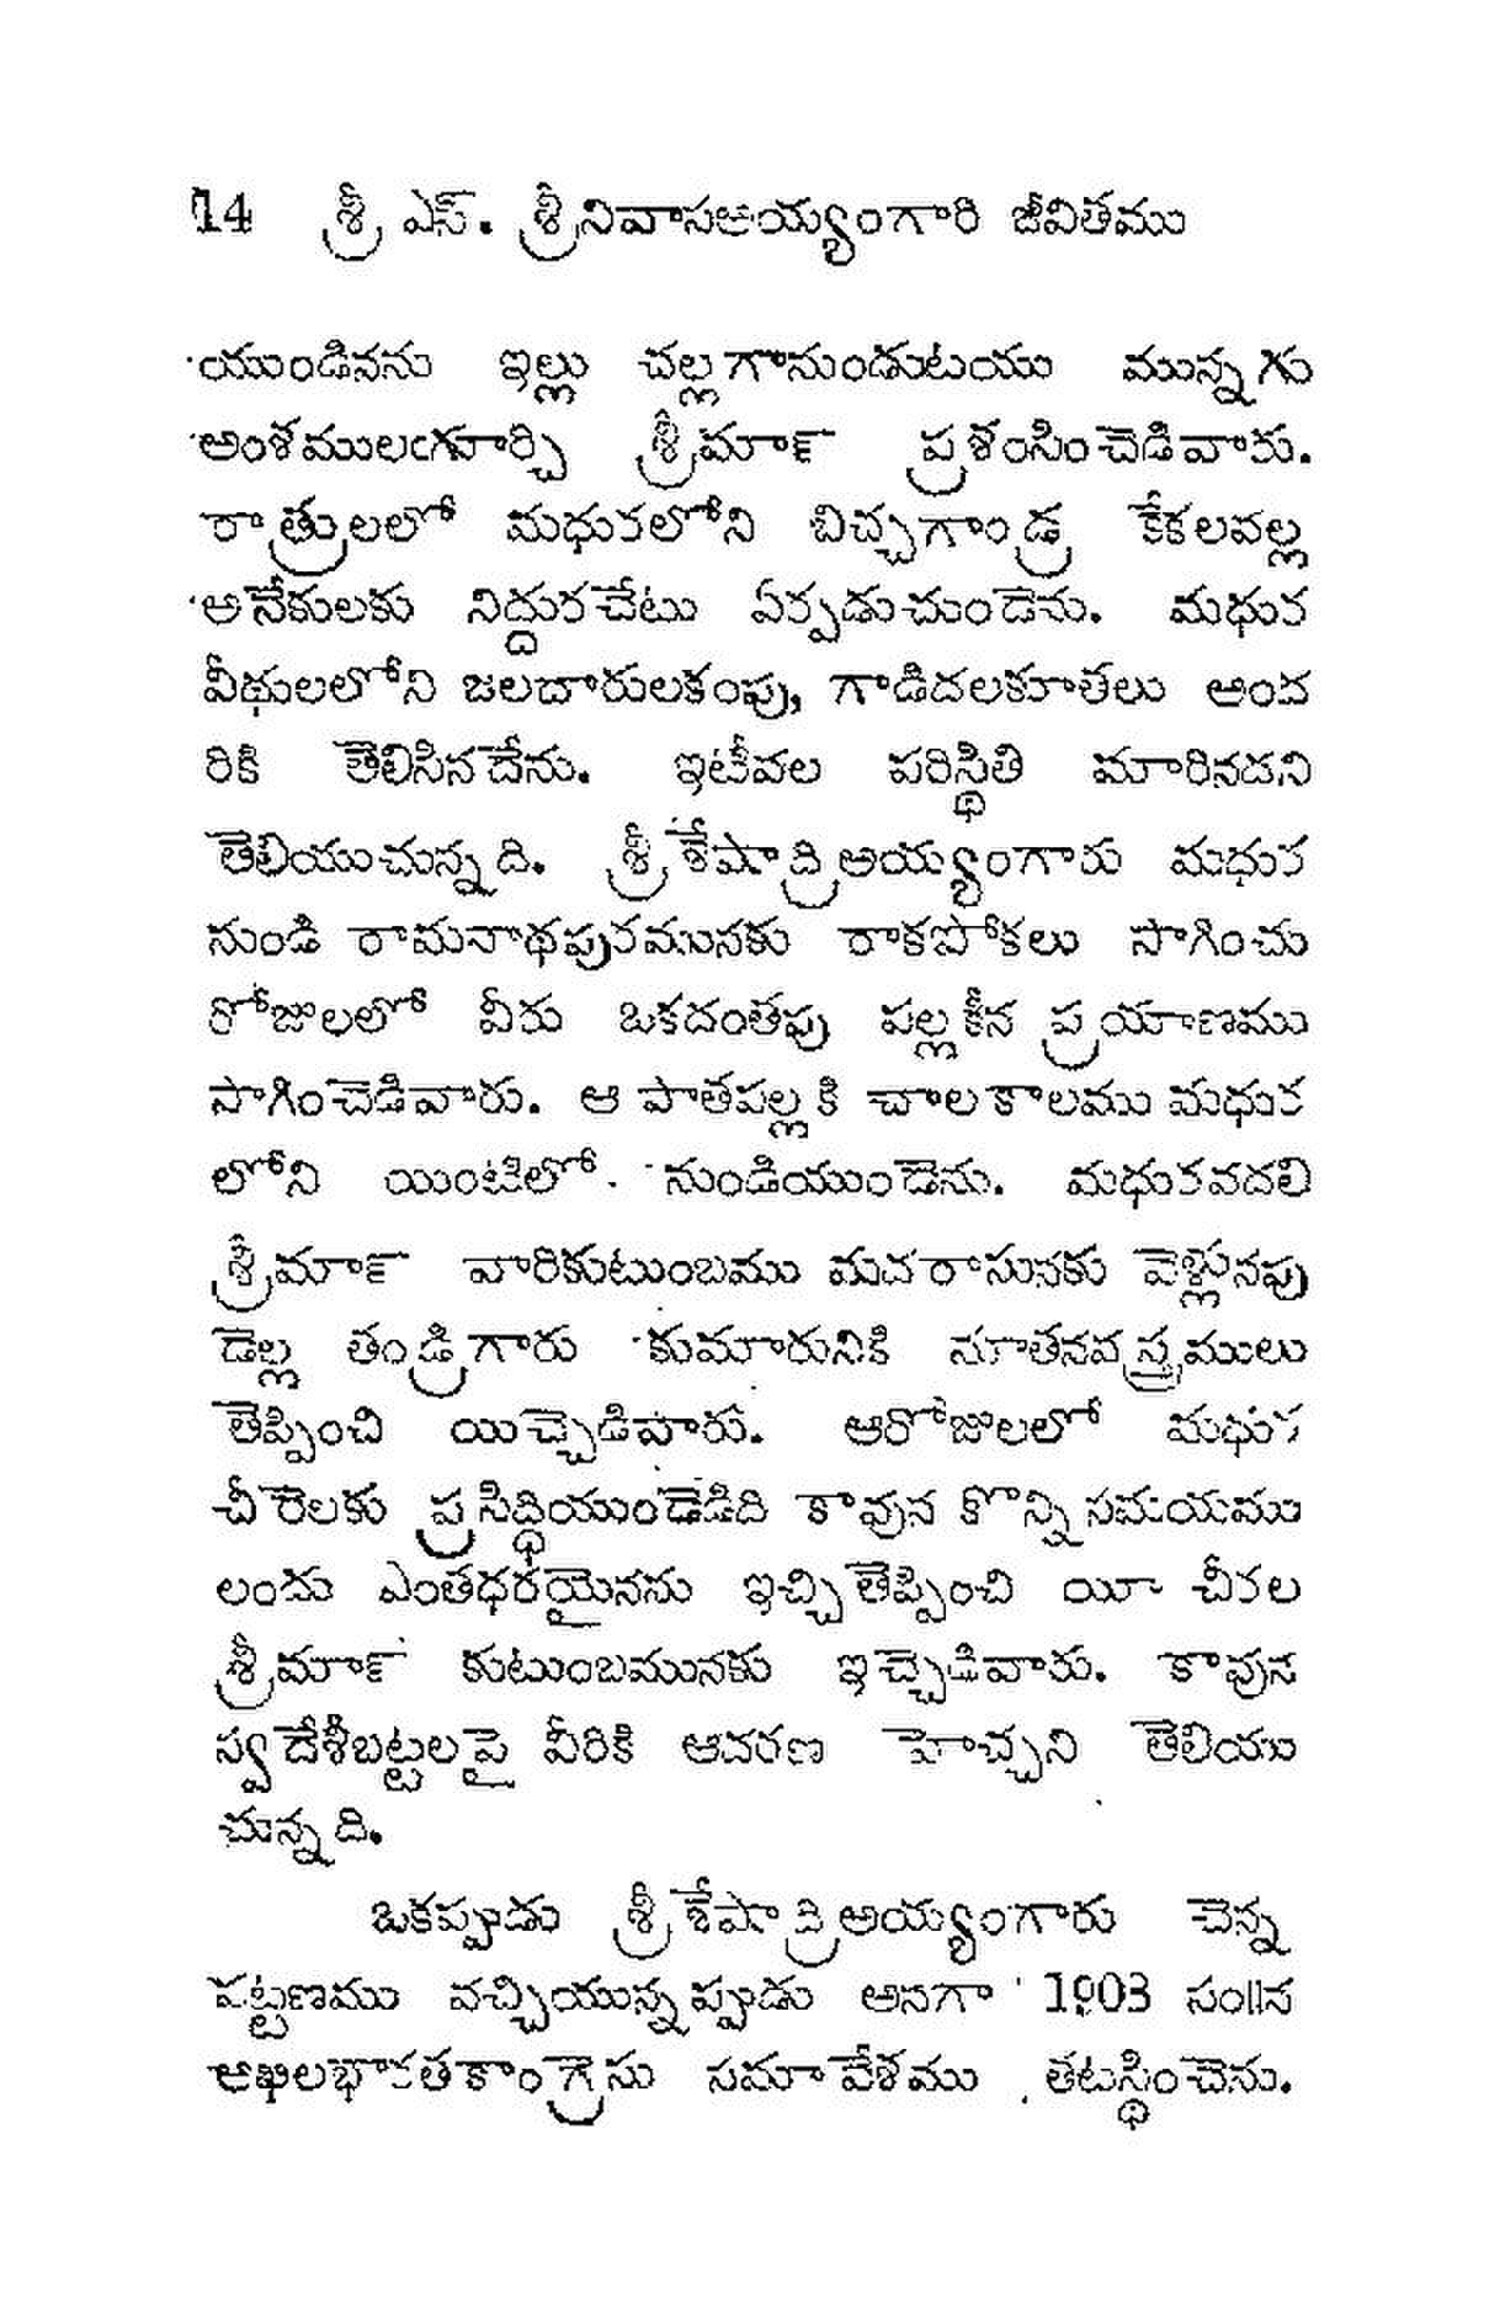యుండినను ఇల్లు చల్లగానుండుటయు మున్నగు అంశములఁగూర్చి శ్రీమా౯ ప్రశంసించెడివారు. రాత్రులలో మధురలోని బిచ్చగాండ్ర కేకలవల్ల అనేకులకు నిద్దురచేటు ఏర్పడుచుండెను. మధుర వీథులలోని జలదారులకంపు, గాడిదలకూతలు అందరికి తెలిసినదేను. ఇటీవల పరిస్థితి మారినదని తెలియుచున్నది. శ్రీశేషాద్రిఅయ్యంగారు మధురనుండి రామనాథపురమునకు రాకపోకలు సాగించు రోజులలో వీరు ఒకదంతపు పల్లకీన ప్రయాణము సాగించెడివారు. ఆ పాతపల్లకి చాలకాలము మధురలోని యింటిలో నుండియుండెను. మధురవదలి శ్రీమా౯ వారికుటుంబము మదరాసునకు వెళ్లునపుడెల్ల తండ్రిగారు కుమారునికి నూతనవస్త్రములు తెప్పించి యిచ్చెడివారు. ఆరోజులలో మధుర చీరెలకు ప్రసిద్దియుండెడిది. కావున కొన్నిసమయములందు ఎంతధరయైనను ఇచ్చితెప్పించి యీ చీరల శ్రీమా౯ కుటుంబమునకు ఇచ్చెడివారు. కావున స్వదేశీబట్టలపై వీరికి ఆదరణ హెచ్చని తేలియుచున్నది.

ఒకప్పుడు శ్రీశేషాద్రిఅయ్యంగారు చెన్నపట్టణము వచ్చియున్నప్పుడు అనగా 1903 సం||న ఆఖిలభారతకాంగ్రెసు సమావేశము తటస్థించెను.